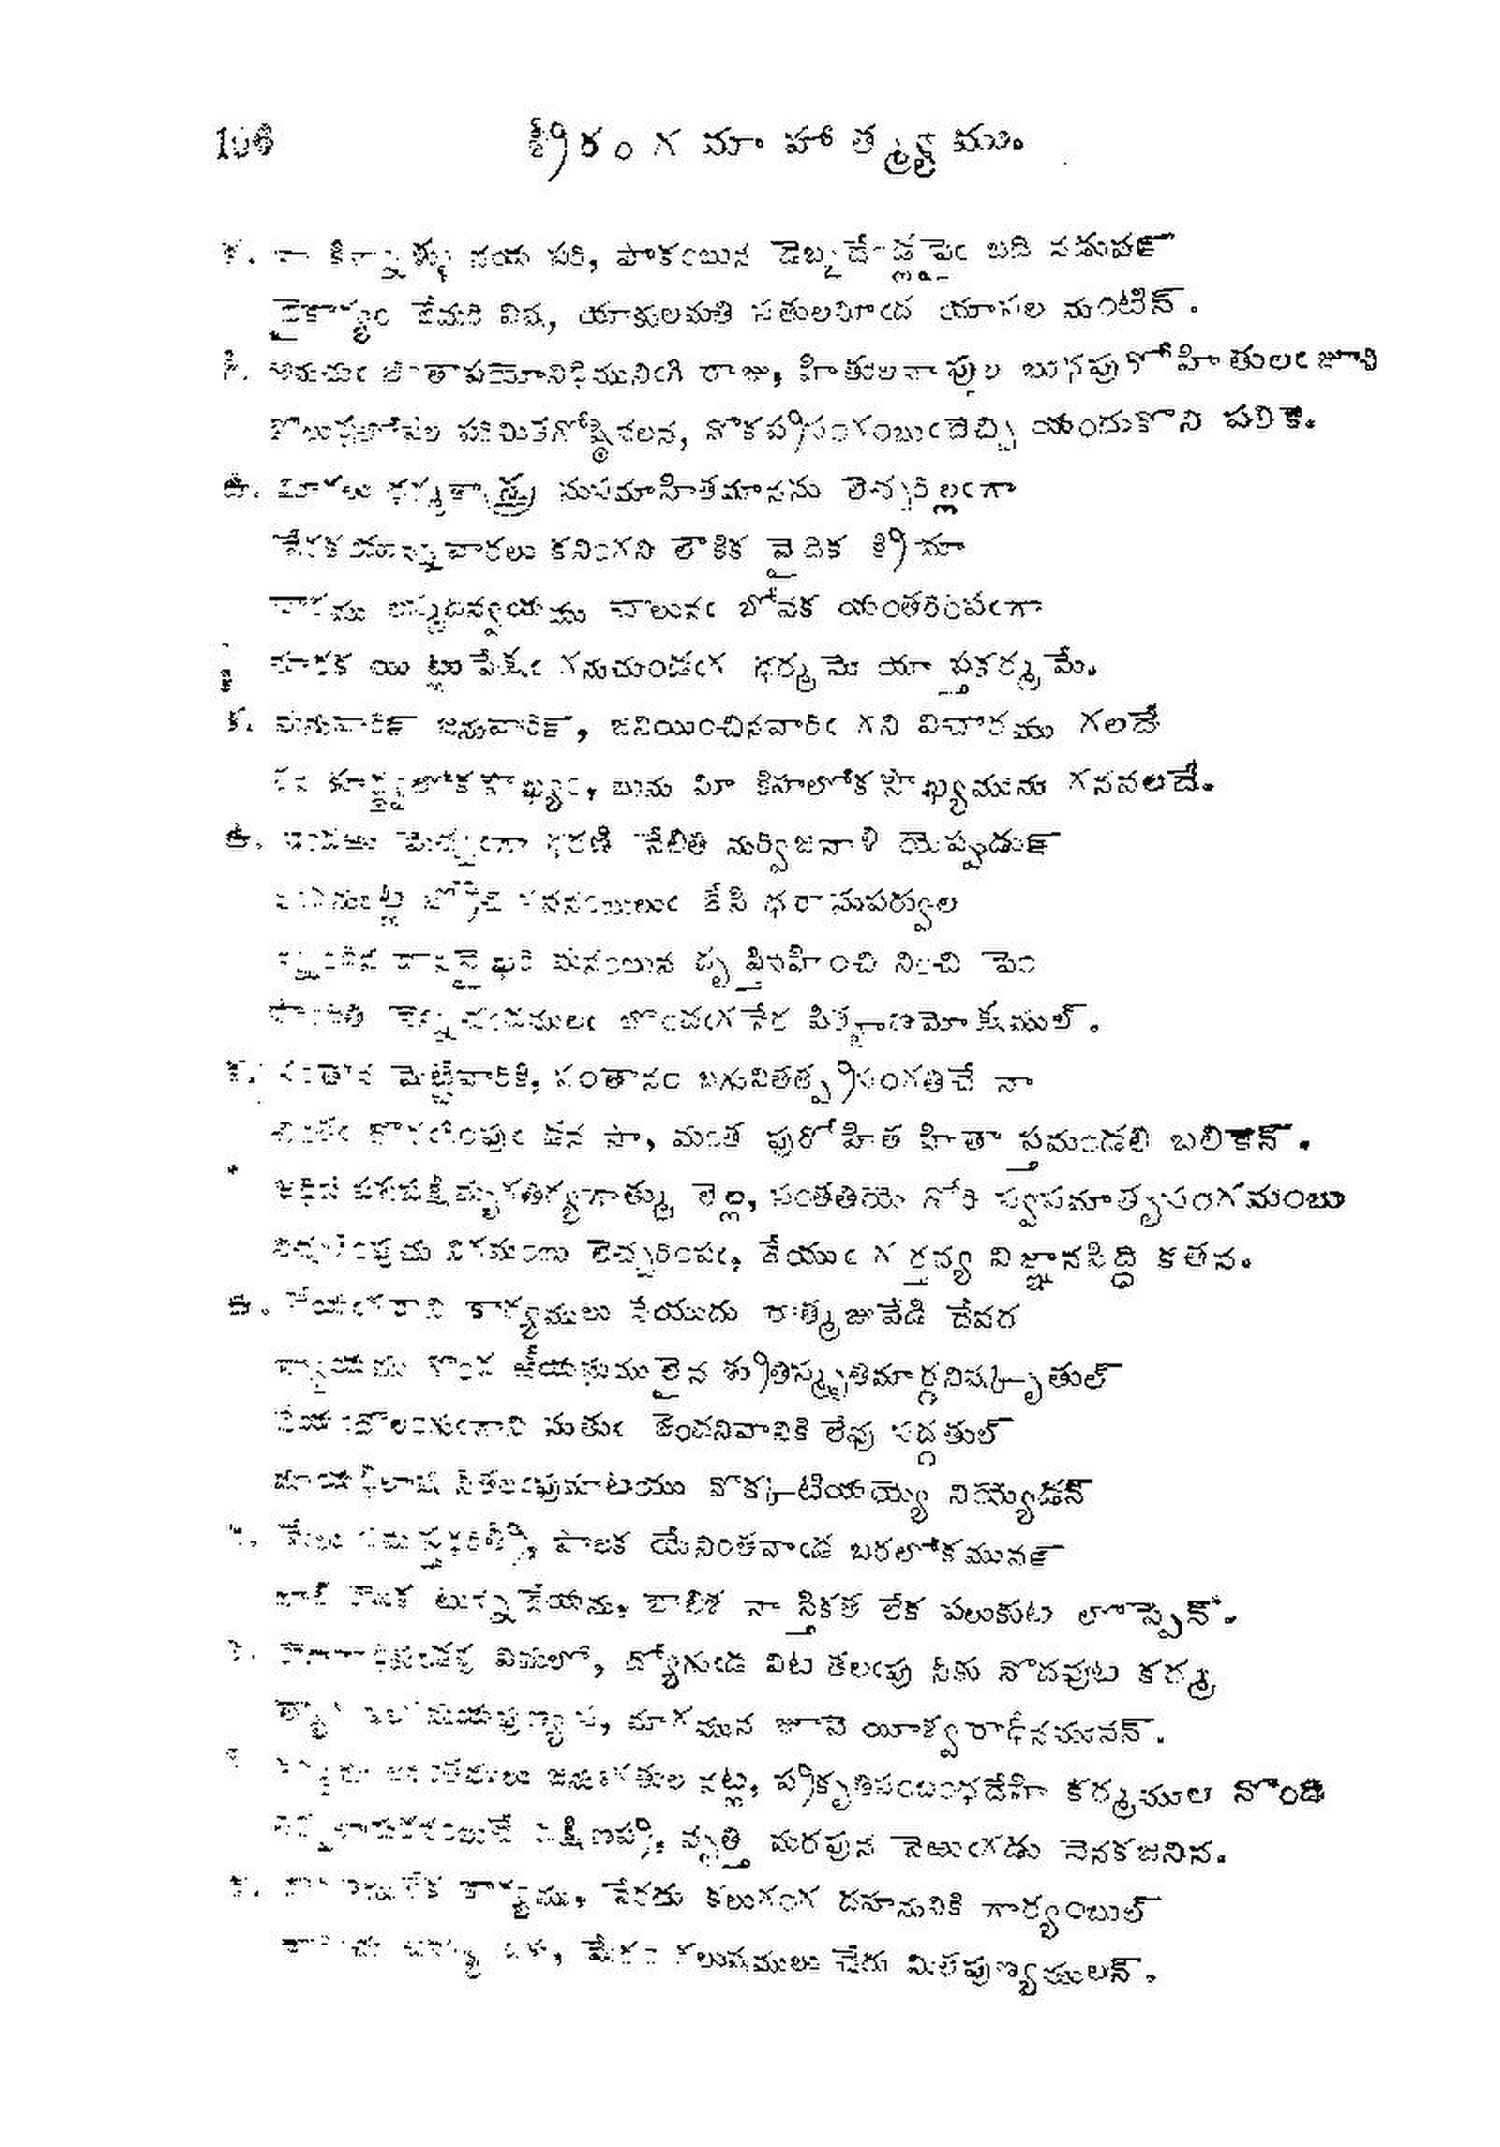క. నా కిన్నాళ్ళు వయఃపరి, పాకంబున డెబ్బదేండ్లపైఁ బది నడువన్
 బైకార్యం బేమరి విష, యాకులమతి సతులమీఁద యాసల నుంటిన్.
గీ. అనుచుఁ జింతాపయోనిధి మునిఁగి రాజు, హితుల నాప్తుల బుధపురోహితులఁ జూచి
 కొలువులోపల పరిమితగోష్ఠివలన, నొకప్రసంగంబుఁ దెచ్చి యందుకొని పలికె.
ఉ. మీరలు ధర్మశాస్త్ర నుపమాహితమానసు లెచ్చరిల్లఁగా
 నేరకయున్నవారలు కనింగని లౌకిక వైదిక క్రియా
 చారము లస్మదన్వయము చాలునఁ బోవక యంతరింపఁగా
 నూరక యి ట్లుపేక్షఁ గనుచుండఁగ ధర్మమె యాప్తకర్మమే.
క. మనువారిన్ జనువారిన్, జనియించినవారిఁ గని విచారము గలదే
 తన కూర్థ్వలోకసౌఖ్యం, బును మీ కిహలోకసౌఖ్యమును గనవలదే.
ఉ. ఇందఱు మెచ్చఁగా ధరణి నేలితి నుర్విజనాళి యెప్పుడున్
 నందనులట్ల బ్రోచి సవనంబులుఁ జేసి ధరాసుపర్వుల
 న్నందిన దానవైఖరి మనంబున దృప్తి వహించి నించి పెం
 పొందితి నెన్నిచందములఁ బొందఁగనేర పితౄణమోక్షముల్.
క. సంతాన మెట్టివారికి, సంతానం బగునితత్ప్రసంగతిచే నా
 చింత దొరఁగింపుఁ డన సా, మంత పురోహిత హితాప్తమండలి బలికెన్.
గీ. అధిప పశు పక్షిమృగతిర్యగాత్ము లెల్ల, సంతతియె గోరి స్వసమాతృసంగమంబు
 నిచ్చరింపుచు నిగమంబు లెచ్చరింపఁ, జేయుఁ గర్తవ్యవిజ్ఞానసిద్ధి కతన.
ఉ. చేయఁగరాని కార్యములు సేయుదు రాత్మజువేడి దేవర
 న్యాయము గొంద ఱీయఘములైన శ్రుతిస్మృతిమార్గనిష్కృతుల్
 చేయఁదొలంగుఁగాని సుతుఁ జెందనివానికి లేవు సద్గతుల్
 మాయభిలాష నీతలఁపుమాటయు నొక్కటియయ్యె నియ్యెడన్.
క. మేలు సమస్తధరిత్రీ, పాలక యేనింతఁవాడ బరలోకమునన్
 జాలి యొక టున్నదేయను, బాలిశ నాస్తికత లేక పలుకుట లొప్పెన్.
క. యోగాధికుఁడవు విమలో, ద్యోగుఁడ విట తలఁపు నీకు నొదవుట కర్మ
 త్యాగఫలమయపుణ్యస, మాగమున జూవె యీశ్వరాధీనమునన్.
గీ. కర్మము లనంతములు జనుపగతుల నట్ల, ప్రకృతిసంబంధదేహి కర్మముల నొంది
 తత్ఫలానుభవంబుచే దక్షిణప్ర, వృత్తి మరపున నెఱుఁగడు వెనకజనిన.
క. కారణము లేక కార్యము, నేరదు కలుగంగ దహనునికి గార్యంబుల్
 కారించు టవశ్యంబగు, మేరం గలుషములు చేరు మితపుణ్యములన్.